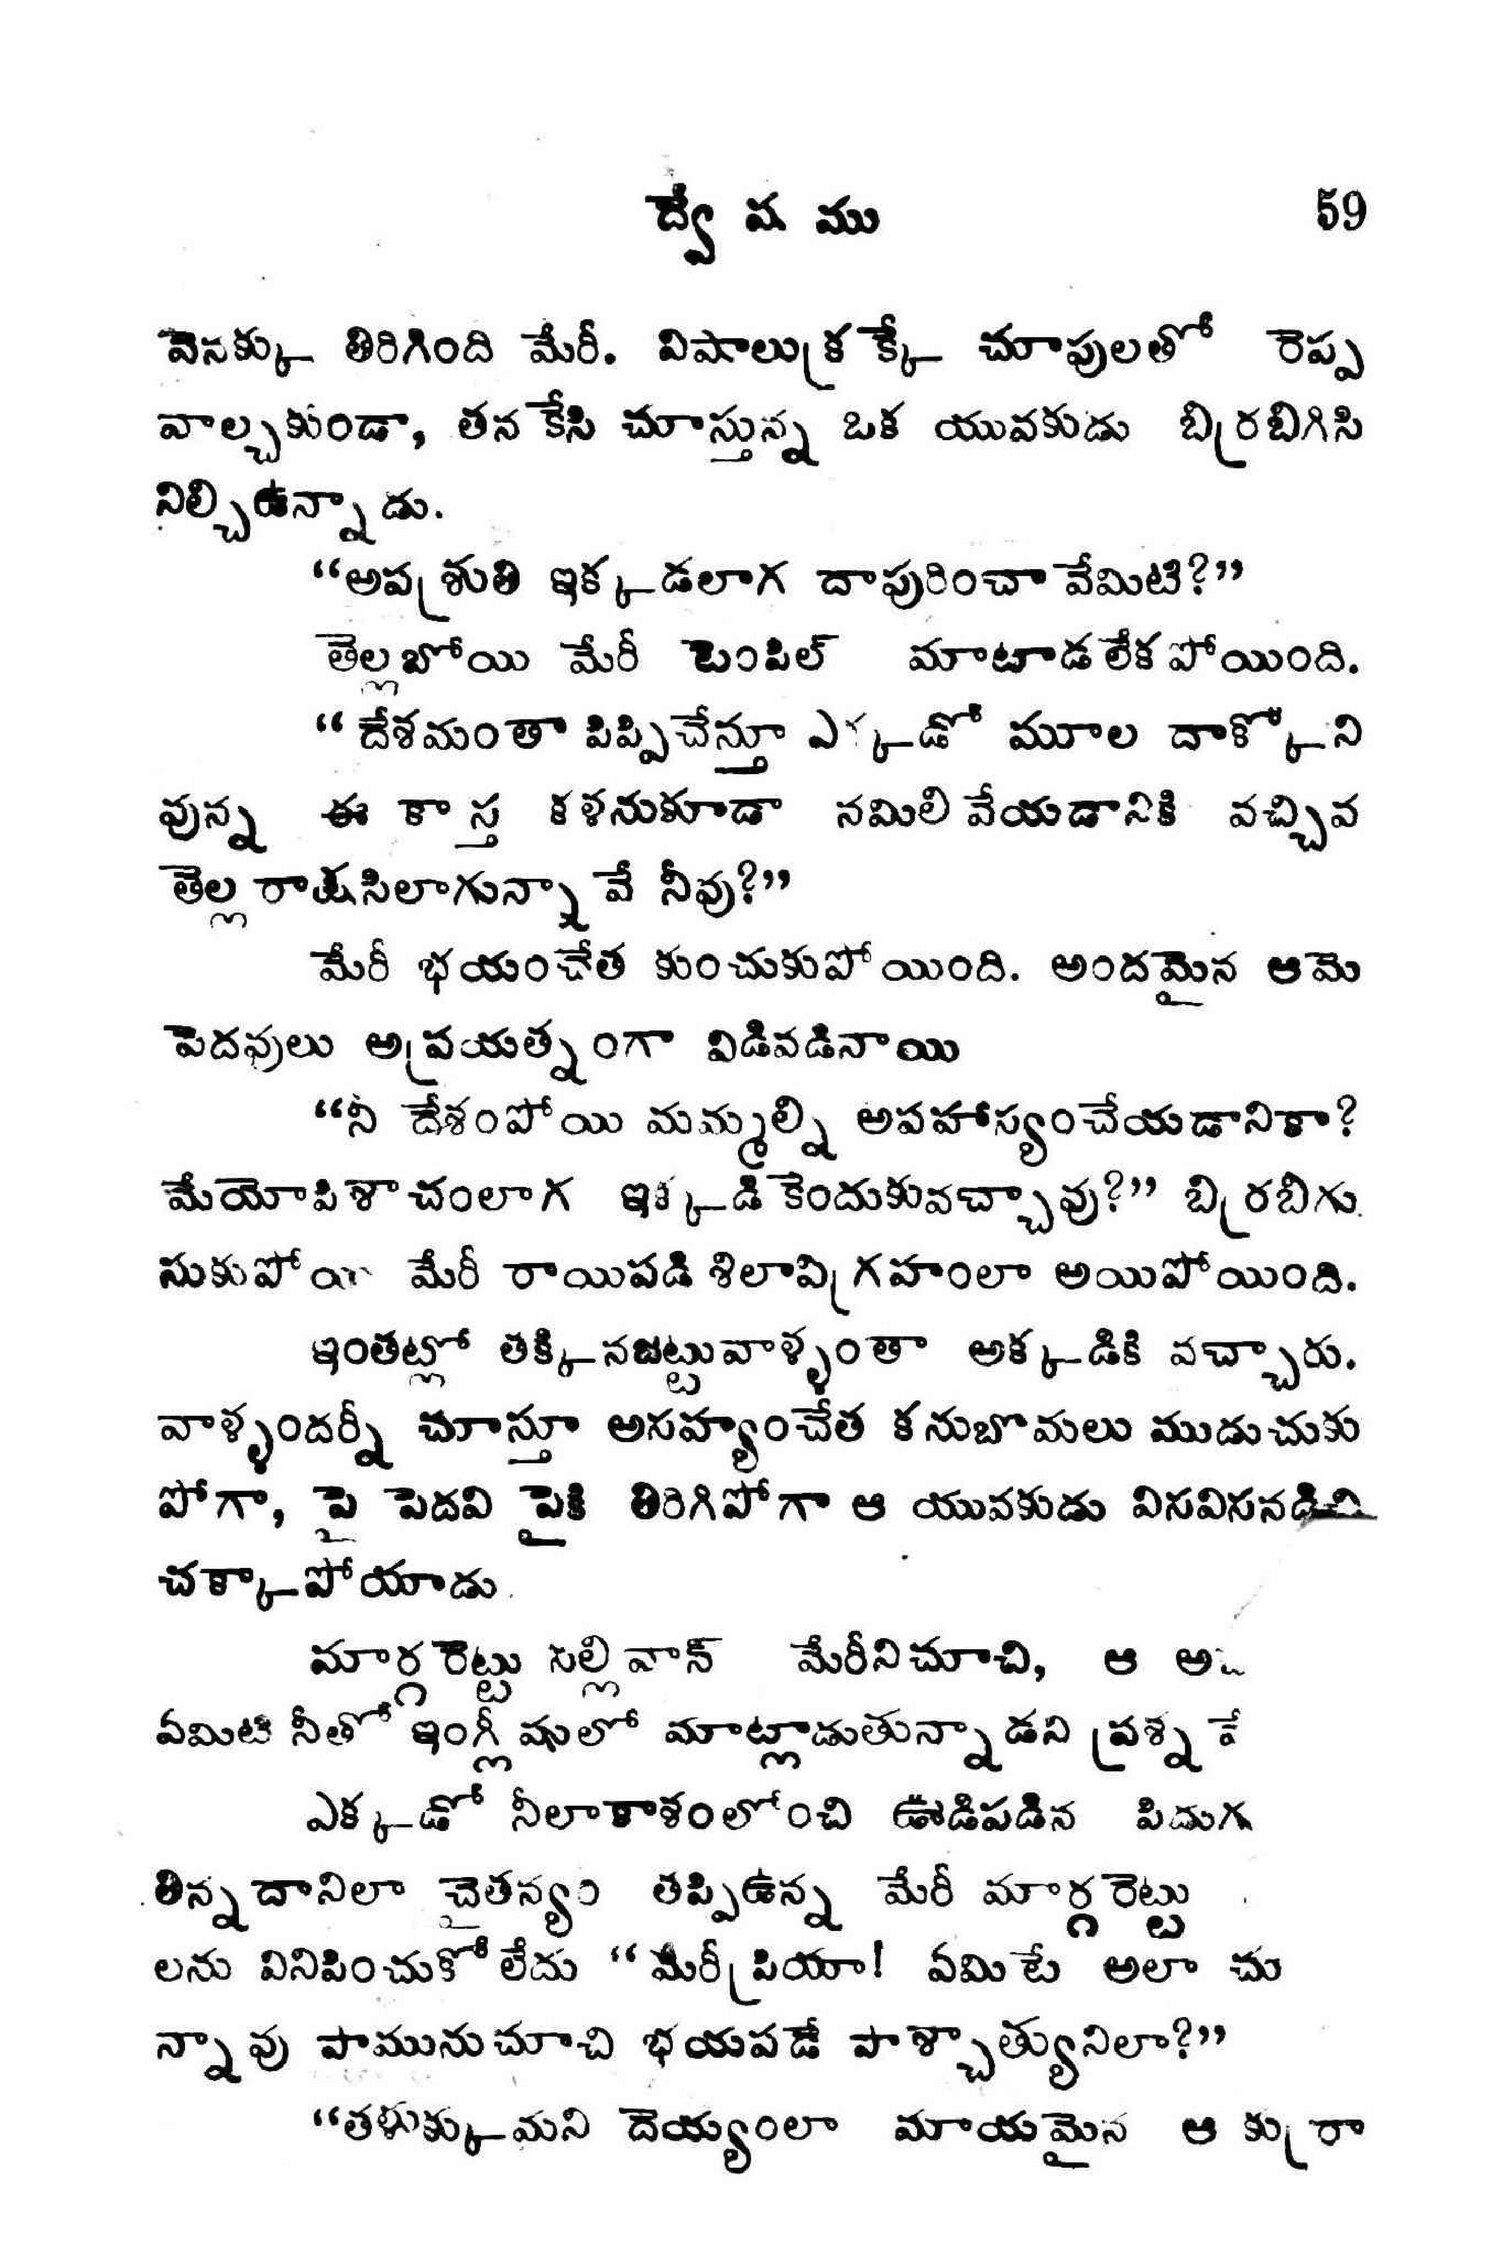వెనక్కు తిరిగింది మేరీ. విషాలుకక్కే చూపులతో రెప్ప వాల్చకుండా, తన కేసి చూస్తున్న ఒక యువకుడు బిర్రబిగిసి
నిల్చిఉన్నాడు.

“అపశ్రుతి ఇక్కడలాగ దాపురించా వేమిటి?”

తెలబోయి మేరీ టెంపిల్ మాటాడలేక పోయింది.

" దేశమంతా పిప్పిచేస్తూ ఎక్కడో మూల దాక్కోని వున్న ఈ కాస్త కళనుకూడా నమిలి వేయడానికి వచ్చిన తెల్ల రాక్షసిలాగున్నా వే నీవు?”

మేరీ భయంచేత కుంచుకుపోయింది. అందమైన ఆమె పెదవులు అప్రయత్నంగా విడివడినాయి

"నీ దేశంపోయి మమ్మల్ని అపహాస్యం చేయడానికా? మేయోపిశాచంలాగ ఇక్కడి కెందుకువచ్చావు?" బిర్రబిగుసుకుపోయి మేరీ రాయిపడి శిలావిగ్రహంలా అయిపోయింది.

ఇంతట్లో తక్కిన జట్టు వాళ్ళంతా అక్కడికి వచ్చారు. వాళ్ళందర్నీ చూస్తూ అసహ్యంచేత కనుబొమలు ముడుచుకు
పోగా, పై పెదవి పైకి తిరిగిపోగా ఆ యువకుడు విసవిసనడిచి చక్కాపోయాడు

మార్గ రెట్టు సెల్లి వాన్ మేరీని చూచి, ఆ అ ఏమిటి నీతో ఇంగ్లీ షులో మాట్లాడుతున్నాడని ప్రశ్న వే

ఎక్కడో నీలాకాశంలోంచి ఊడిపడిన పిడుగు తిన్నదానిలా చైతన్యం తప్పిఉన్న మేరీ మార్గరెట్టు లను వినిపించుకోలేదు "మేరీప్రియా! ఏమిటే అలా చుస్తున్నావు పామును చూచి భయపడే పాశ్చాత్యునిలా?”

“తళుక్కు మని దెయ్యంలా మాయమైన ఆ కుర్రా